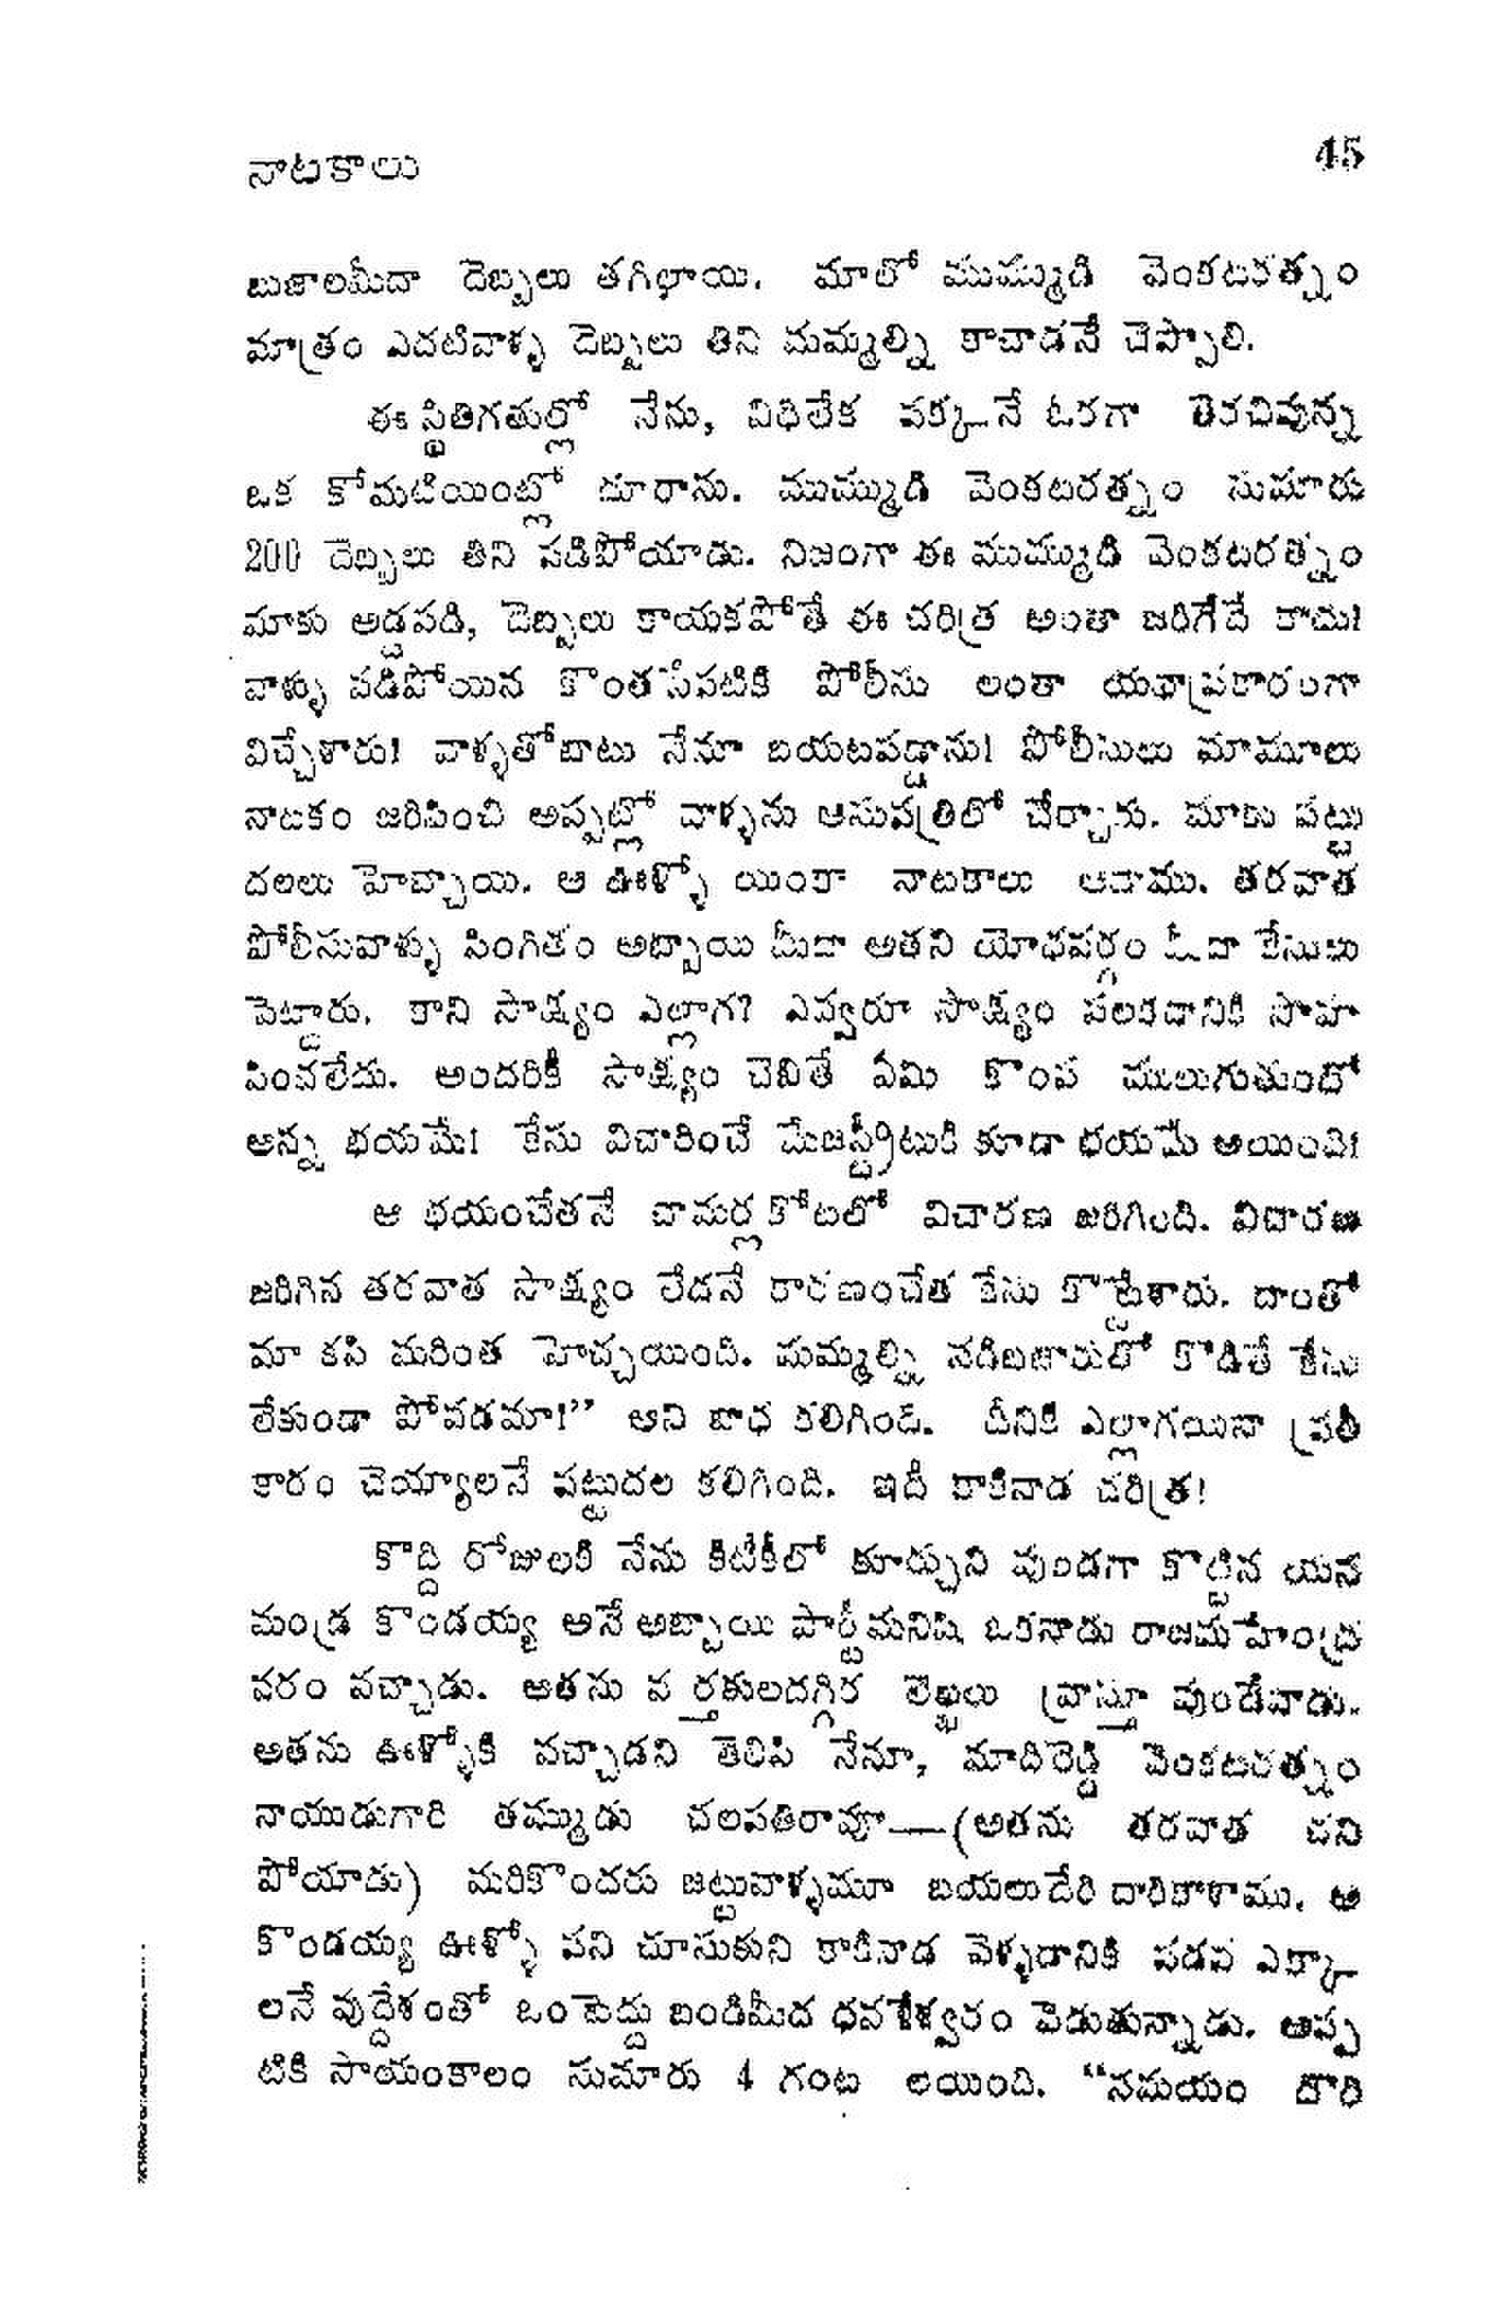బుజాలమీదా దెబ్బలు తగిలాయి. మాలో ముమ్మడి వెంకటరత్నం మాత్రం ఎదటివాళ్ళ దెబ్బలు తిని మమ్మల్ని కాచాడనే చెప్పాలి.

ఈ స్థితిగతుల్లో నేను, విధిలేక పక్కనే ఓరగా తెరచివున్న ఒక కోమటియింట్లో దూరాను. ముమ్మడి వెంకటరత్నం సుమారు 200 దెబ్బలు తిని పడిపోయాడు. నిజంగా ఈ ముమ్మడి వెంకటరత్నం మాకు అడ్డపడి, దెబ్బలు కాయకపోతే ఈ చరిత్ర అంతా జరిగేది కాదు! వాళ్ళు పడిపోయిన కొంతసేపటికి పోలీసు లంతా యథాప్రకారంగా విచ్చేశారు! వాళ్ళతోబాటు నేనూ బయటపడ్డాను! పోలీసులు మామూలు నాటకం జరిపించి అప్పట్లో వాళ్ళను ఆసుపత్రిలో చేర్చారు. మాకు పట్టుదలలు హెచ్చాయి. ఆ ఊళ్ళో యింకా నాటకాలు ఆడాము. తరవాత పోలీసువాళ్ళు సింగితం అబ్బాయి మీదా అతని యోధవర్గం మీదా కేసులు పెట్టారు. కాని సాక్ష్యం ఎల్లాగ? ఎవ్వరూ సాక్ష్యం పలకడానికి సాహసించలేదు. అందరికీ సాక్ష్యం చెబితే ఏమి కొంప ములుగుతుందో అన్న భయమే! కేసు విచారించే మేజస్ట్రీటుకి కూడా భయమే అయింది!

ఆ భయంచేతనే చామర్లకోటలో విచారణ జరిగింది. విచారణ జరిగిన తరవాత సాక్ష్యం లేదనే కారణంచేత కేసు కొట్టేశారు. దాంతో మా కసి మరింత హెచ్చయింది. మమ్మల్ని నడిబజారులో కొడితే కేసు లేకుండా పోవడమా!" అని బాధ కలిగింది. దీనికి ఎల్లాగయినా ప్రతీకారం చెయ్యాలనే పట్టుదల కలిగింది. ఇదీ కాకినాడ చరిత్ర!

కొద్ది రోజులకి నేను కిటికీలో కూర్చుని వుండగా కొట్టిన యనమండ్ర కొండయ్య అనే అబ్బాయి పార్టీమనిషి ఒకనాడు రాజమహేంద్రవరం వచ్చాడు. అతను వర్తకులదగ్గిర లెఖ్ఖలు వ్రాస్తూ వుండేవాడు. అతను ఊళ్ళోకి వచ్చాడని తెలిసి నేనూ, మాదిరెడ్డి వెంకటరత్నం నాయుడుగారి తమ్ముడు చలపతిరావూ - (అతను తరవాత చనిపోయాడు) మరికొందరు జట్టువాళ్ళమూ బయలుదేరి దారికాశాము. ఆ కొండయ్య ఊళ్ళో పని చూసుకుని కాకినాడ వెళ్ళడానికి పడవ ఎక్కాలనే వుద్దేశంతో ఒంటెద్దు బండిమీద ధవళేశ్వరం వెడుతున్నాడు. అప్పటికి సాయంకాలం సుమారు 4 గంట లయింది. "సమయం దొరి